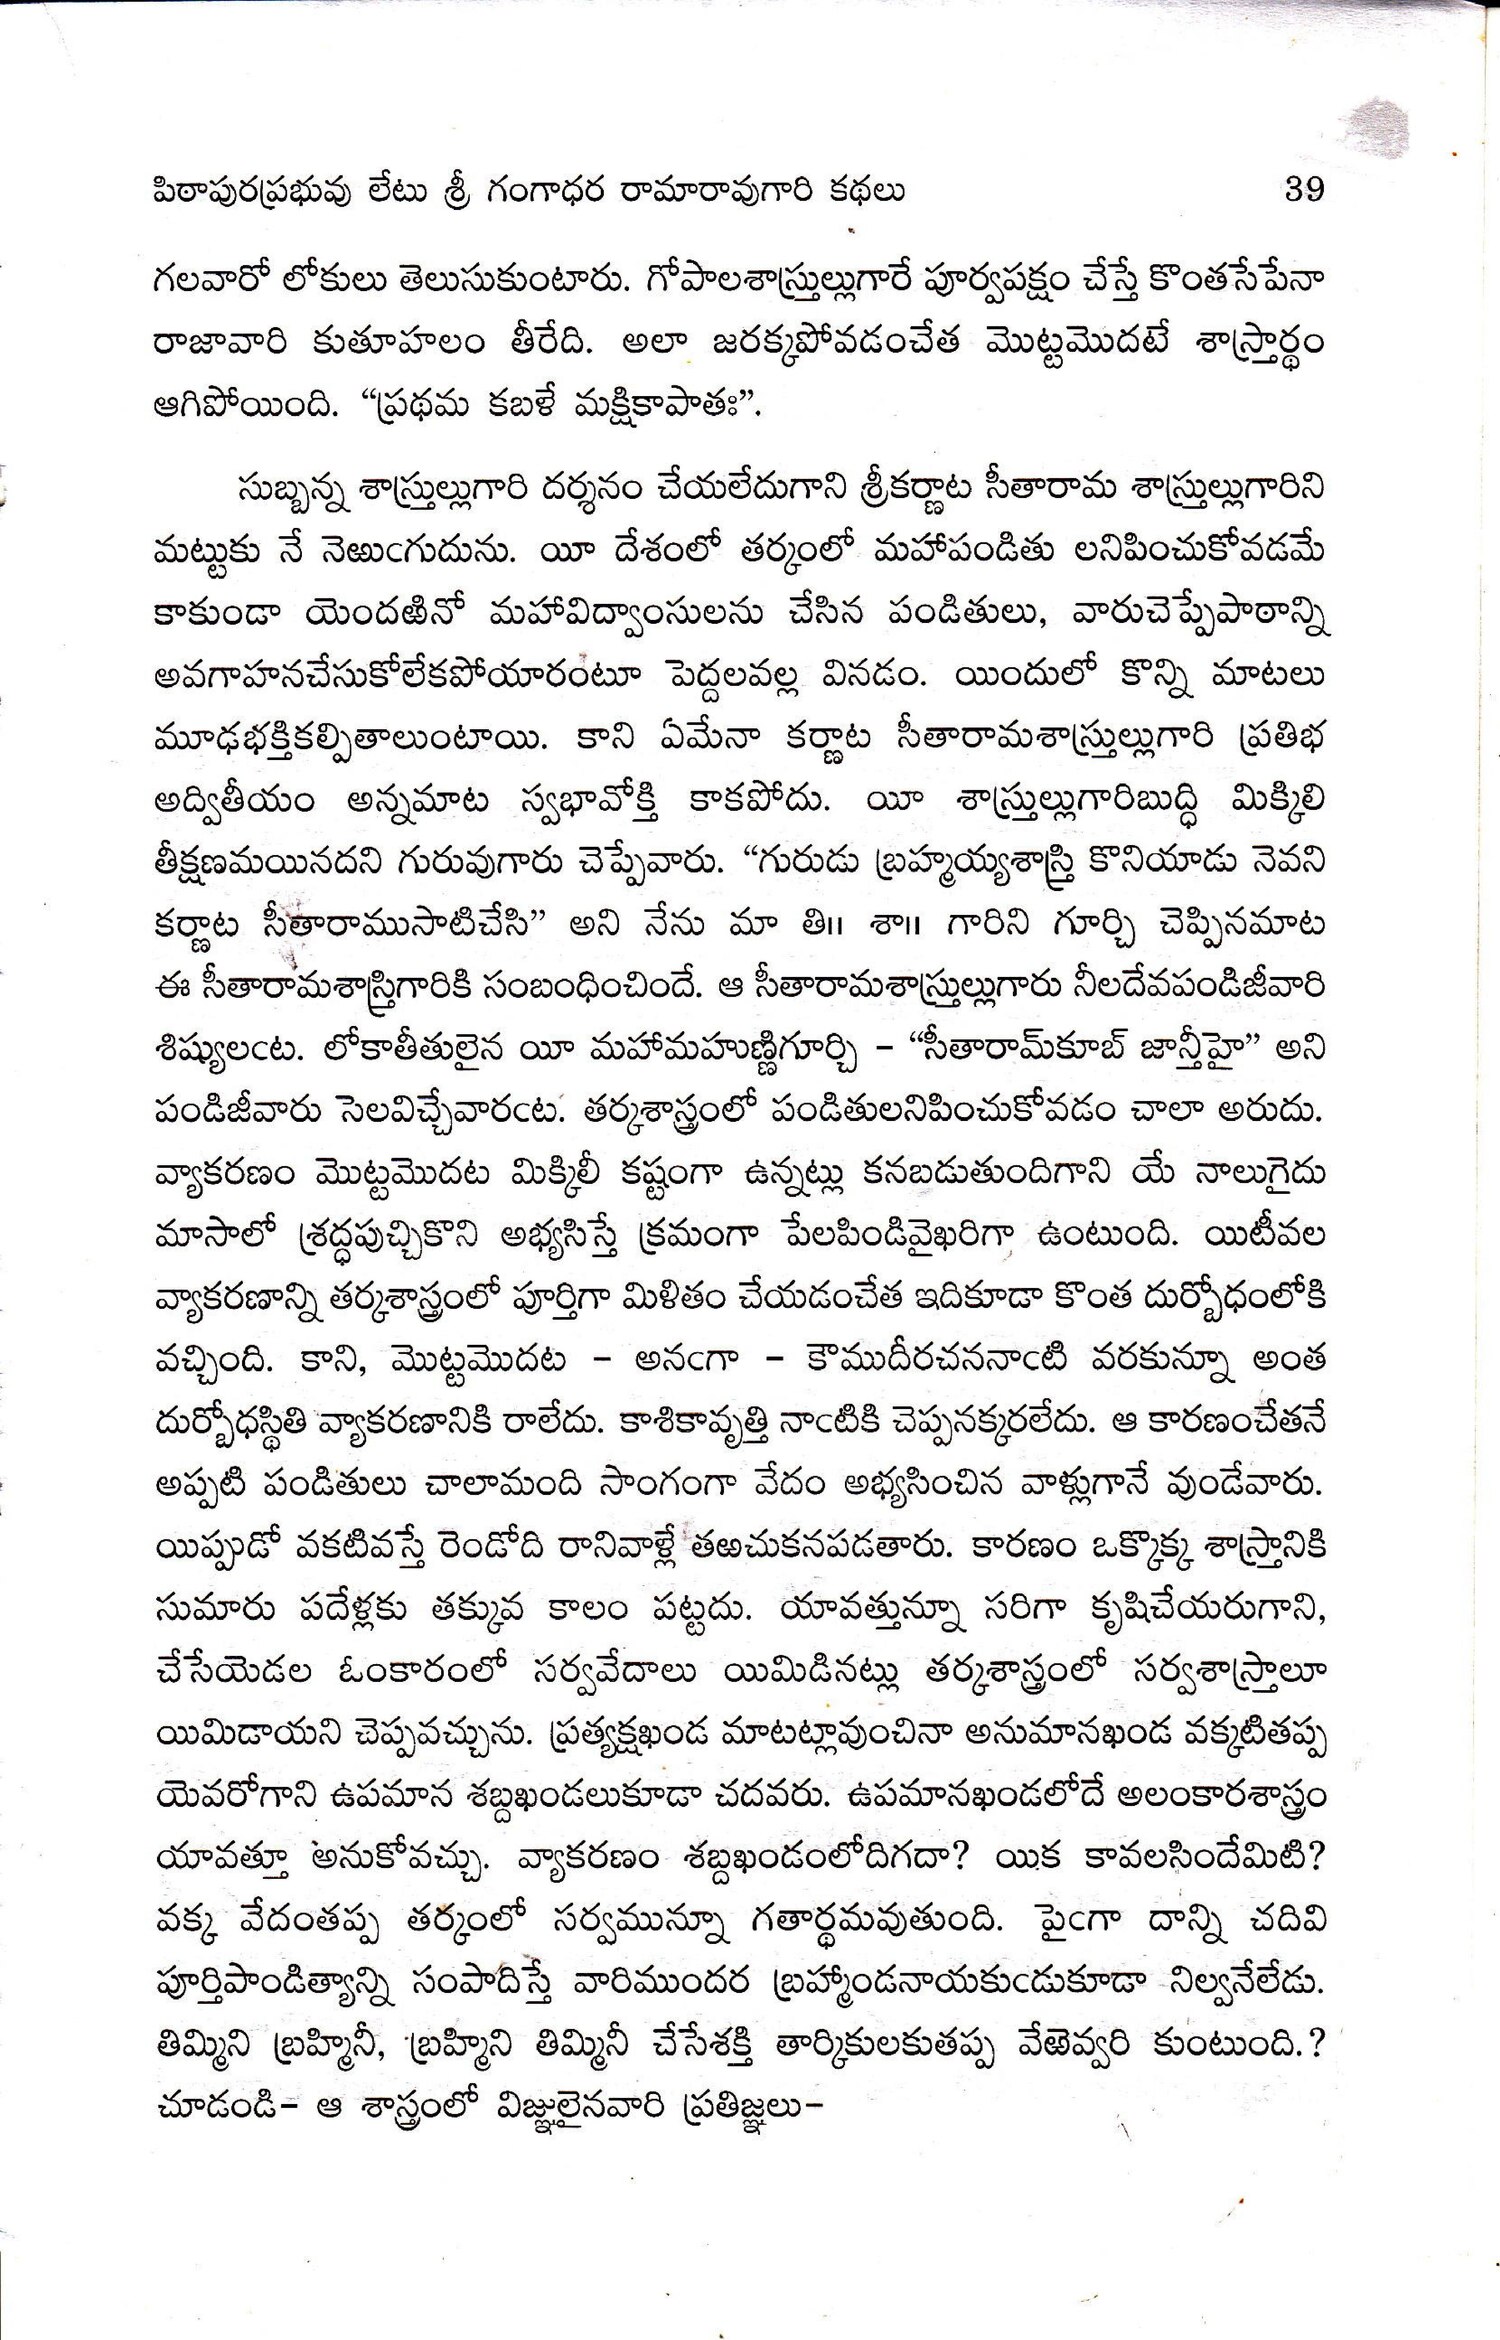గలవారో లోకులు తెలుసుకుంటారు. గోపాలశాస్రుల్లుగారే పూర్వపక్షం చేస్తే కొంతసేపేనా రాజావారి కుతూహలం తీరేది. అలా జరక్కపోవడంచేత మొట్టమొదటే శాస్తార్థం ఆగిపోయింది. “ప్రథమ కబళే మక్షికాపాతః".

సుబ్బన్న శాస్రుల్లగారి దర్శనం చేయలేదుగాని శ్రీకర్ణాట సీతారామ శాస్రుల్లగారిని మట్టుకు నే నెఱుంగుదును. యీ దేశంలో తర్కంలో మహాపండితు లనిపించుకోవడమే కాకుండా యెందఱినో మహావిద్వాంసులను చేసిన పండితులు, వారుచెప్పేపాఠాన్ని అవగాహనచేసుకోలేకపోయారంటూ పెద్దలవల్ల వినడం. యిందులో కొన్ని మాటలు మూఢభక్తికల్పితాలుంటాయి. కాని ఏమేనా కర్ణాట సీతారామశాస్తుల్లుగారి ప్రతిభ అద్వితీయం అన్నమాట స్వభావోక్తి కాకపోదు. యీ శాస్రుల్లుగారిబుద్ధి మిక్కిలి తీక్షణమయినదని గురువుగారు చెప్పేవారు. “గురుడు బ్రహ్మయ్యశాస్త్రి కొనియాడు నెవని కర్ణాట సీతారామసాటిచేసి" అని నేను మా తి| శాI గారిని గూర్చి చెప్పినమాట ఈ సీతారామశాస్త్రిగారికి సంబంధించిందే. ఆ సీతారామశాస్రుల్లగారు నీలదేవపండిజీవారి శిష్యులంట. లోకాతీతులైన యీ మహామహుణ్ణిగూర్చి - "సీతారామ్కూబ్ జాన్రీహై" అని పండిజీవారు సెలవిచ్చేవారంట. తర్కశాస్త్రంలో పండితులనిపించుకోవడం చాలా అరుదు. వ్యాకరణం మొట్టమొదట మిక్కిలీ కష్టంగా ఉన్నట్లు కనబడుతుందిగాని యే నాలుగైదు మాసాలో శ్రద్ధపుచ్చికొని అభ్యసిస్తే క్రమంగా పేలపిండివైఖరిగా ఉంటుంది. యిటీవల వ్యాకరణాన్ని తర్కశాస్త్రంలో పూర్తిగా మిళితం చేయడంచేత ఇదికూడా కొంత దుర్బోధంలోకి వచ్చింది. కాని, మొట్టమొదట - అనంగా - కౌముదీరచననాంటి వరకున్నూ అంత దుర్భోధస్థితి వ్యాకరణానికి రాలేదు. కాశికావృత్తి నాంటికి చెప్పనక్కరలేదు. ఆ కారణంచేతనే అప్పటి పండితులు చాలామంది సాంగంగా వేదం అభ్యసించిన వాళ్లుగానే వుండేవారు. యిప్పడో వకటివస్తే రెండోది రానివాళ్లే తఱచుకనపడతారు. కారణం ఒక్కొక్క శాస్తానికి సుమారు పదేళ్లకు తక్కువ కాలం పట్టదు. యావత్తున్నూ సరిగా కృషిచేయరుగాని, చేసేయెడల ఓంకారంలో సర్వవేదాలు యిమిడినట్లు తర్కశాస్త్రంలో సర్వశాస్తాలూ యిమిడాయని చెప్పవచ్చును. ప్రత్యక్షఖండ మాటట్లావుంచినా అనుమానఖండ వక్కటితప్ప యెవరోగాని ఉపమాన శబ్దఖండలుకూడా చదవరు. ఉపమానఖండలోదే అలంకారశాస్త్రం యావతూ అనుకోవచ్చు. వ్యాకరణం శబ్దఖండంలోదిగదా? యిక కావలసిందేమిటి? వక్క వేదంతప్ప తర్కంలో సర్వమున్నూ గతార్థమవుతుంది. పైCగా దాన్ని చదివి పూర్తిపాండిత్యాన్ని సంపాదిస్తే వారిముందర బ్రహ్మాండనాయకుండుకూడా నిల్వనేలేడు. తిమ్మిని బ్రహ్మినీ, బ్రహ్మిని తిమ్మినీ చేసేశక్తి తార్మికులకుతప్ప వేటెవ్వరి కుంటుంది.? చూడండి- ఆ శాస్త్రంలో విజ్ఞలైనవారి ప్రతిజ్ఞలు-